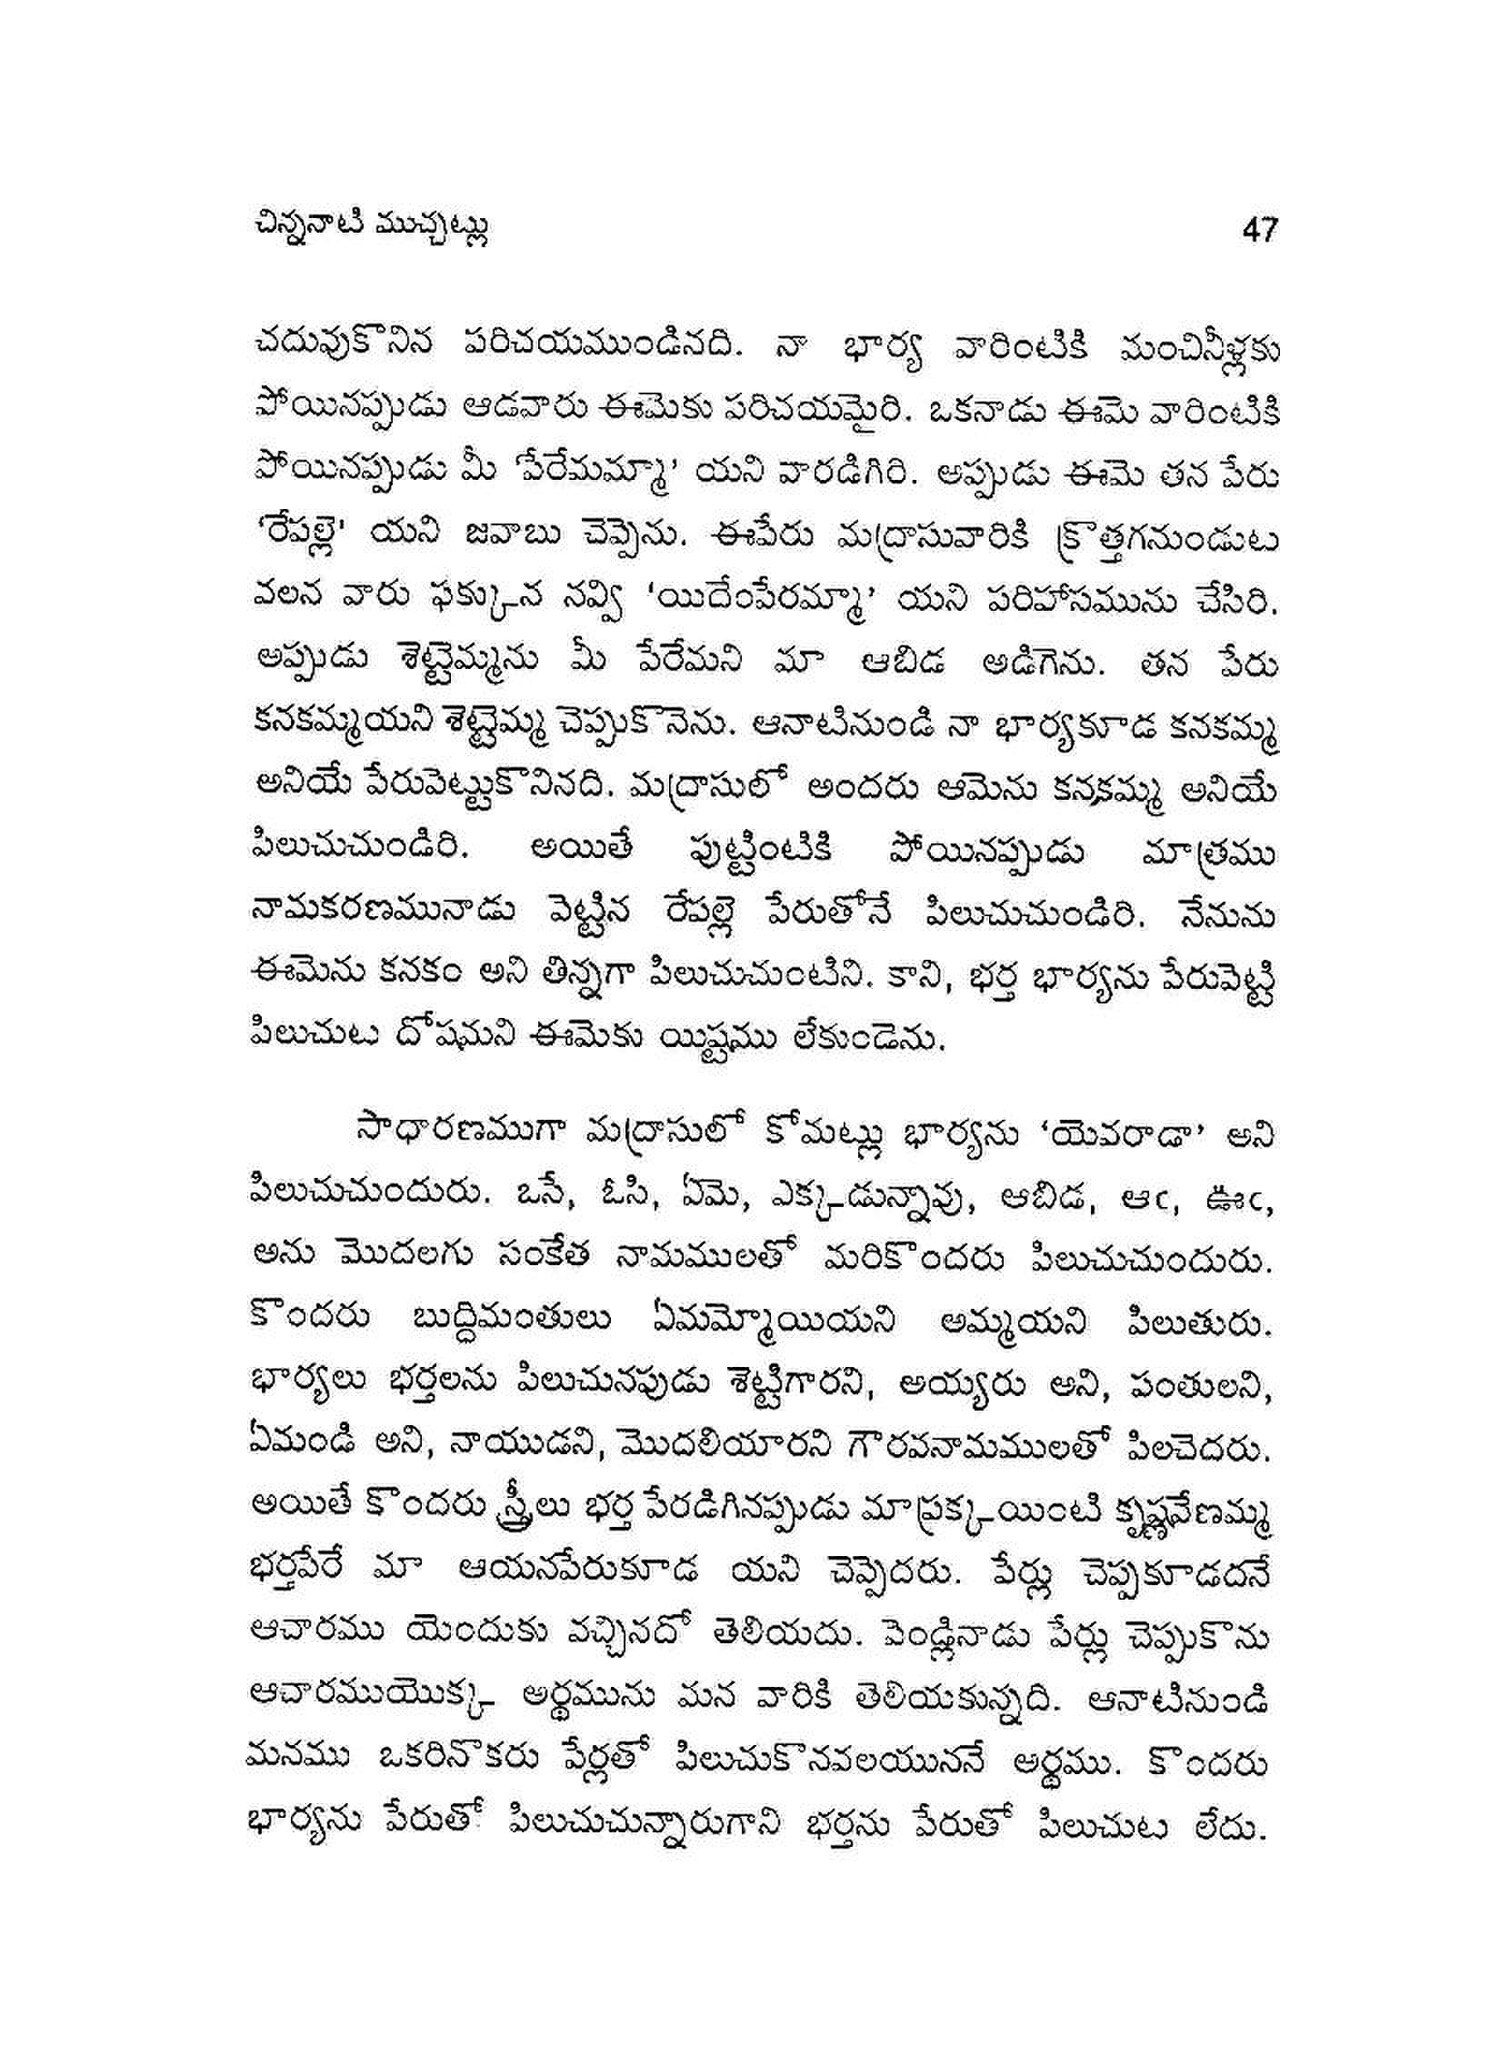చదువుకొనిన పరిచయముండినది. నా భార్య వారింటికి మంచినీళ్లకు పోయినప్పుడు ఆడవారు ఈమెకు పరిచయమైరి. ఒకనాడు ఈమె వారింటికి పోయినప్పుడు మీ పేరేమమ్మా' యని వారడిగిరి. అప్పుడు ఈమె తన పేరు రేపల్లె యని జవాబు చెప్పెను. ఈపేరు మద్రాసువారికి క్రొత్తగనుండుట వలన వారు ఫక్కున నవ్వి 'యిదేంపేరమ్మా' యని పరిహాసమును చేసిరి. అప్పుడు శెట్టెమ్మను మీ పేరేమని మా ఆబిడ అడిగెను. తన పేరు కనకమ్మయని శెట్టెమ్మ చెప్పుకొనెను. ఆనాటినుండి నా భార్యకూడ కనకమ్మ అనియే పేరుపెట్టుకొనినది. మద్రాసులో అందరు ఆమెను కనకమ్మ అనియే పిలుచుచుండిరి. అయితే పుట్టింటికి పోయినప్పుడు మాత్రము నామకరణమునాడు పెట్టిన రేపల్లె పేరుతోనే పిలుచుచుండిరి. నేనును ఈమెను కనకం అని తిన్నగా పిలుచుచుంటిని. కాని, భర్త భార్యను పేరుపెట్టి పిలుచుట దోషమని ఈమెకు యిష్టము లేకుండెను.

సాధారణముగా మద్రాసులో కోమట్లు భార్యను "యెవరాడా? అని పిలుచుచుందురు. ఒసే, ఓసి, ఏమె, ఎక్కడున్నావు, అబిడ, ఆఁ, ఊఁ, అను మొదలగు సంకేత నామములతో మరికొందరు పిలుచుచుందురు. కొందరు బుద్దిమంతులు ఏమమ్మోయియని అమ్మయని పిలుతురు. భార్యలు భర్తలను పిలుచునపుడు శెట్టిగారని, అయ్యరు అని, పంతులని, ఏమండి అని, నాయుడని, మొదలియారని గౌరవనామములతో పిలచెదరు. అయితే కొందరు స్త్రీలు భర్త పేరడిగినప్పుడు మాప్రక్కయింటి కృష్ణవేణమ్మ భర్తపేరే మా ఆయనపేరుకూడ యని చెప్పెదరు. పేర్లు చెప్పకూడదనే ఆచారము యెందుకు వచ్చినదో తెలియదు. పెండ్లినాడు పేర్లు చెప్పుకొను ఆచారముయొక్క అర్థమును మన వారికి తెలియకున్నది. ఆనాటినుండి మనము ఒకరినొకరు పేర్లతో పిలుచుకొనవలయుననే అర్థము. కొందరు భార్యను పేరుతో పిలుచుచున్నారుగాని భర్తను పేరుతో పిలుచుట లేదు.